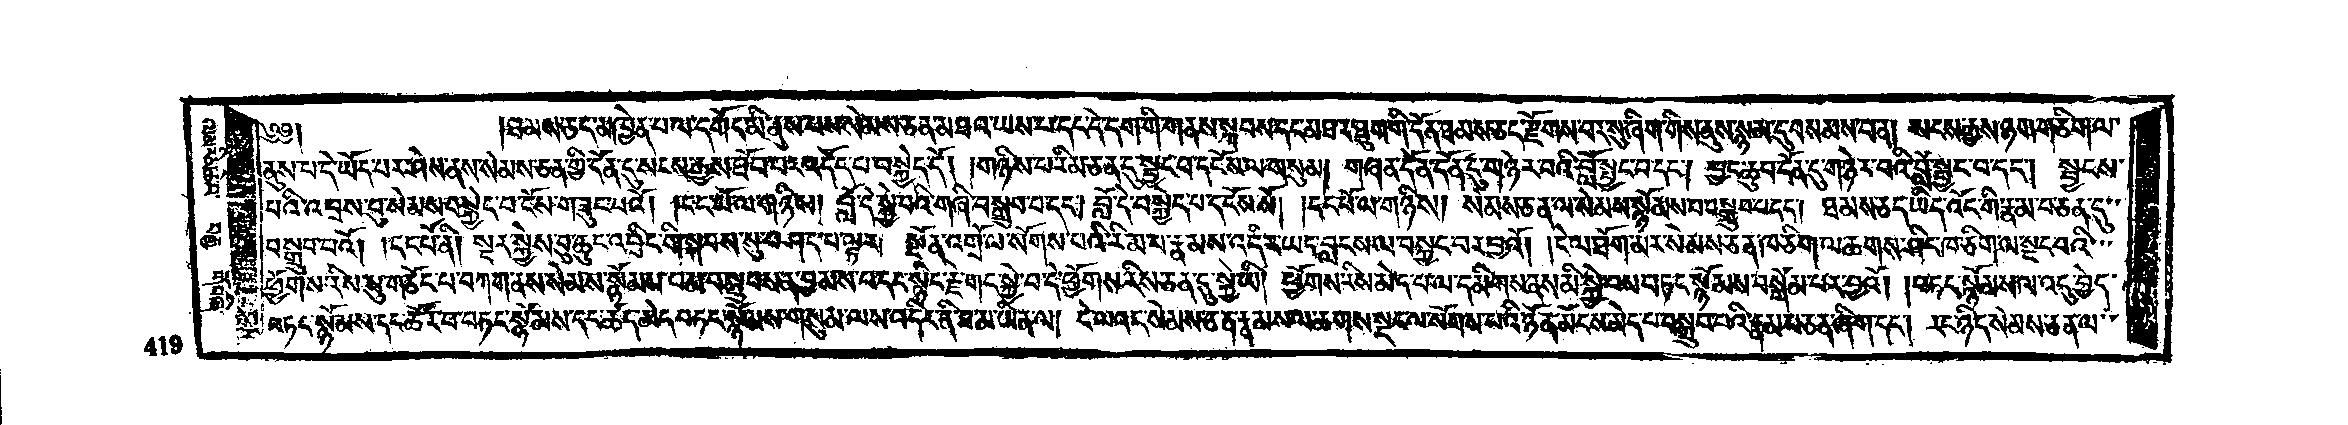༄༅། །ཐམས་ཅད་མཁྱེན་པ་ལ་དགོད་མི་ནུས་པས་སེམས་ཅན་མཐའ་ཡས་པ་དང་དེ་དག་གི་གནས་སྐབས་དང་མཐར་ཐུག་གི་དོན་ཐམས་ཅད་རྫོགས་པར་སུ་ཞིག་གིས་ནུས་སྙམ་དུ་བསམས་པ་ན། སངས་རྒྱས་ཉག་གཅིག་ལ་
ནུས་པ་དེ་ཡོད་བར་ཤེས་ནས་སེམས་ཅན་གྱི་དོན་དུ་སངས་རྒྱས་ཐོབ་པར་འདོད་པ་བསྐྱེད་དོ། །གཉིས་པ་རིམ་ཅན་དུ་སྦྱང་བ་དངོས་ལ་གསུམ། གཞན་དོན་དོན་དུ་གཉེར་བའི་བློ་སྦྱང་བ་དང་། བྱང་ཆུབ་དོན་དུ་གཉེར་བའི་བློ་སྦྱང་བ་དང་། སྦྱངས་
པའི་འབྲས་བུ་སེམས་བསྐྱེད་པ་ངོས་གཟུང་བའོ། །དང་པོ་ལ་གཉིས། བློ་དེ་སྐྱེ་བའི་གཞི་བསྒྲུབ་པ་དང་། བློ་དེ་བསྐྱེད་པ་དངོས་སོ། །དང་པོ་ལ་གཉིས། སེམས་ཅན་ལ་སེམས་སྙོམས་པ་བསྒྲུབ་པ་དང་། ཐམས་ཅད་ཡིད་འོང་གི་རྣམ་པ་ཅན་དུ་
བསྒྲུབ་པའོ། །དང་པོ་ནི། སྔར་སྐྱེས་བུ་ཆུང་འབྲིང་གི་སྐབས་སུ་བཤད་པ་ལྟར། སྔོན་འགྲོ་ལ་སོགས་པའི་རིམ་པ་རྣམས་འདིར་ཡང་བླངས་ལ་བསྐྱང་བར་བྱའོ། །དེ་ལ་ཐོག་མར་སེམས་ཅན་ཁ་ཅིག་ལ་ཆགས་ཤིང་ཁ་ཅིག་ལ་སྡང་བའི་
ཕྱོགས་རིས་སུ་གཅོད་པ་བཀག་ནས་སེམས་སྙོམས་པ་མ་བསྒྲུབས་ན་བྱམས་པ་དང་སྙིང་རྗེ་གང་སྐྱེ་བ་དེ་ཕྱོགས་རིས་ཅན་དུ་སྐྱེ་ཡི། ཕྱོགས་རིས་མེད་པ་ལ་དམིགས་ནས་མི་སྐྱེ་བས་བཏང་སྙོམས་བསྒོམ་པར་བྱའོ། །བཏང་སྙོམས་ལ་འདུ་བྱེད་
བཏང་སྙོམས་དང་ཚོར་བ་བཏང་སྙོམས་དང་ཚད་མེད་བཏང་སྙོམས་གསུམ་ལས་འདིར་ནི་ཐ་མ་ཡིན་ལ། དེ་ལའང་སེམས་ཅན་རྣམས་ལ་ཆགས་སྡང་ལ་སོགས་པའི་ཉོན་མོངས་མེད་པ་བསྒྲུབ་པའི་རྣམ་པ་ཅན་ཞིག་དང་། རང་ཉིད་སེམས་ཅན་ལ་